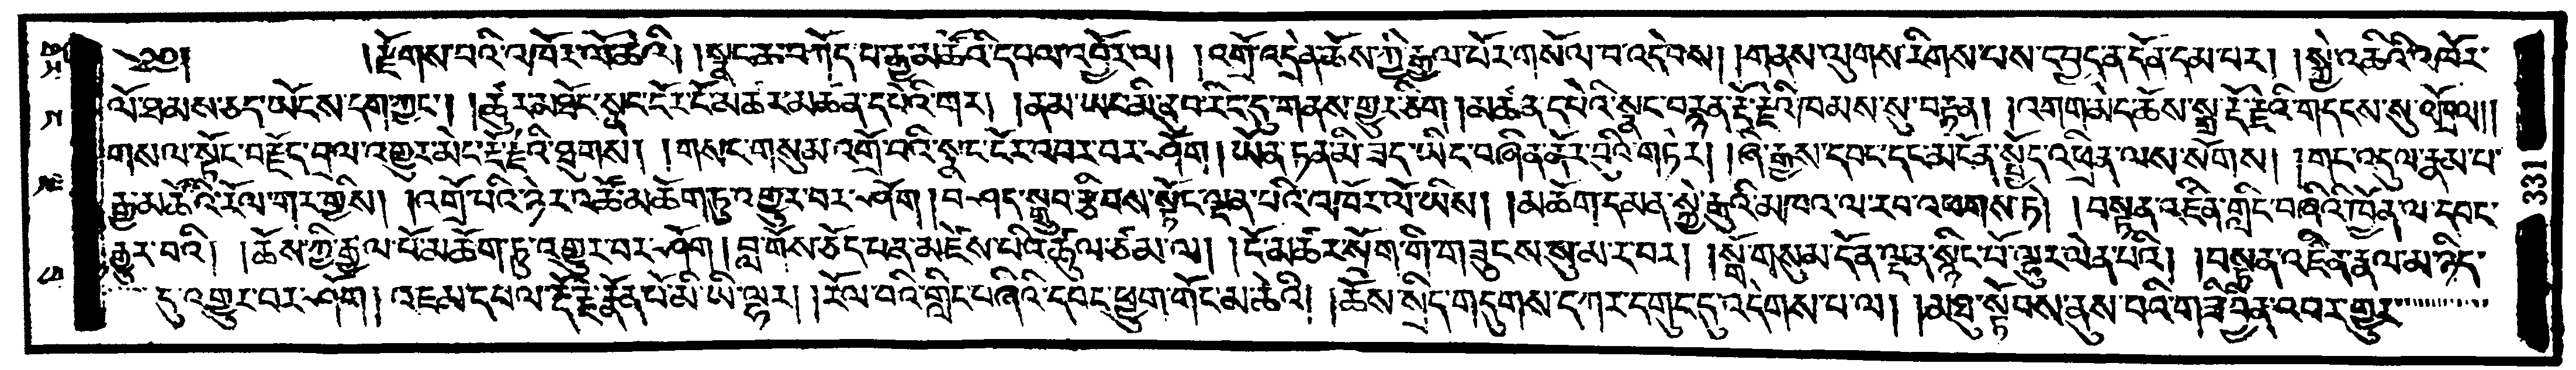༄༅། །རྫོགས་པའི་འཁོར་ལོ་ཆེའི། །སྣང་ཆ་བཀོད་པ་རྒྱ་མཚོའི་དཔལ་འབྱོར་ལ། །འགྲོ་འདྲེན་ཆོས་ཀྱི་རྒྱལ་པོར་གསོལ་བ་འདེབས། །གནས་ལུགས་རིགས་པས་དཔྱད་ན་དོན་དམ་པར། །སྐྱེ་འཆིའི་འཁོར་
ལོ་ཐམས་ཅད་ཡོངས་དག་ཀྱང་། །ཚུར་མཐོང་སྣང་ངོར་ངོ་མཚར་མཚན་དཔེའི་གར། །ནམ་ཡང་མི་ནུབ་རིང་དུ་གནས་གྱུར་ཅིག །མཚན་དཔེའི་སྣང་བརྙན་རྡོ་རྗེའི་ཁམས་སུ་བརྟན། །འགག་མེད་ཆོས་སྒྲ་རྡོ་རྗེའི་གདངས་སུ་འཁྲོལ།།
གསལ་སྟོང་བརྗོད་བྲལ་འགྱུར་མེད་རྡོ་རྗེའི་ཐུགས། །གསང་གསུམ་འགྲོ་བའི་སྣང་ངོར་འབར་བར་ཤོག །ཡོན་ཏན་མི་ཟད་ཡིད་བཞིན་ནོར་བུའི་གཏེར། །ཞི་རྒྱས་དབང་དང་མངོན་སྤྱོད་འཕྲིན་ལས་སོགས། །གང་འདུལ་རྣམ་པ་
རྒྱ་མཚོའི་རོལ་གར་གྱིས། །འགྲོ་བའི་ཉེར་འཚོ་མཆོག་ཏུ་འགྱུར་བར་ཤོག །བཤད་སྒྲུབ་རྩིབས་སྟོང་ལྡན་པའི་འཁོར་ལོ་ཡིས། །མཆོག་དམན་སྐྱེ་རྒུའི་མཁའ་ལ་རབ་འཕགས་ཏེ། །བསྟན་འཛིན་གླིང་བཞིའི་ཁྱོན་ལ་དབང་
རྒྱུར་བའི། །ཆོས་ཀྱི་རྒྱལ་པོ་མཆོག་ཏུ་འགྱུར་བར་ཤོག །བླ་གོས་ཅོད་པན་མཛེས་པའི་ཚུལ་ཙམ་ལ། །ངོ་མཚར་སྲོག་གི་གཟུངས་སུ་མ་ར་བར། །སྒོ་གསུམ་དོན་ལྡན་སྙིང་པོ་ལྷུར་ལེན་པའི། །བསྟན་འཛིན་རྣལ་མ་ཉིད་
དུ་འགྱུར་བར་ཤོག །འཇམ་དཔལ་རྡོ་རྗེ་རྣོན་པོ་མི་ཡི་ལྷར། །རོལ་བའི་གླིང་བཞིའི་དབང་ཕྱུག་གོང་མ་ཆེའི། །ཆོས་སྲིད་གདུགས་དཀར་དགུང་དུ་འདེགས་པ་ལ། །མཐུ་སྟོབས་ནུས་པའི་གཟི་བྱིན་འབར་གྱུར་